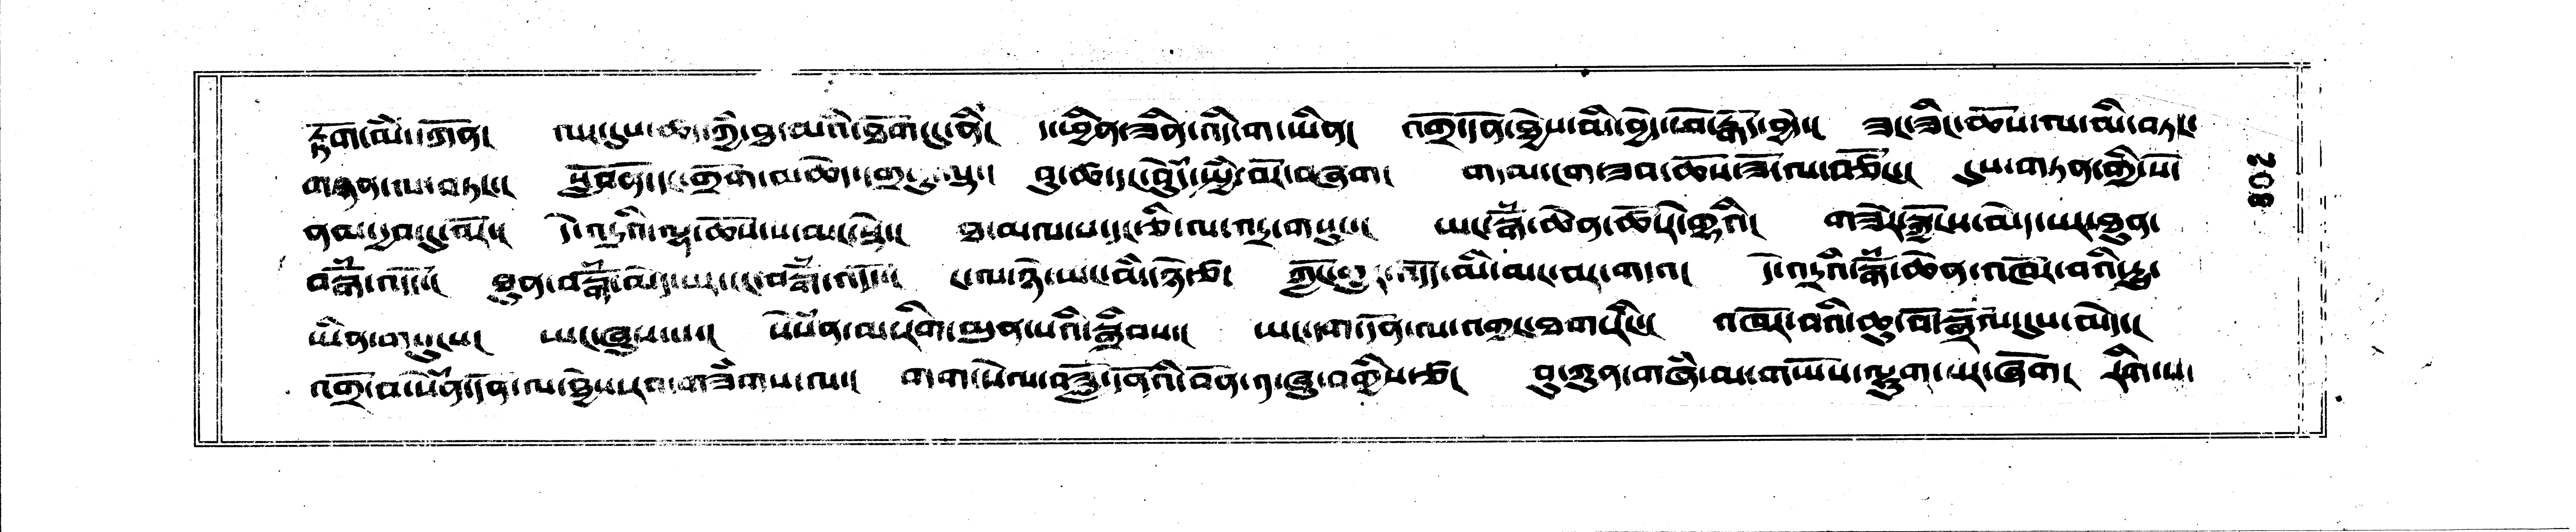རྟོགས་མི་དཀོན། ལར་དུས་ཚད་ཀྱི་ཐ་མའི་ཐོག་ཏུ་ནི། ད་ཕྱིན་ཟིན་འདི་ག་ཡིན། འགྲོ་དོན་ཐུགས་རྗེས་མི་བྱེད་ཕོ་རྒོད་བྱེད། ཟང་ཟིང་ཆོས་ལ་མི་གཏོང་
གཉེན་ལ་གཏོང་། སློབ་དཔོན་དང་གྲོགས་མཆེད་དགྲ་རུ་ལྟ། བུ་ཚ་དང་བུད་མེད་སྤྱི་བོར་བཞག གདམས་ངག་ཟབ་ཆོས་ཟོ་ལ་’ཟོང’བཙོང་། དུས་གཏན་གྱི་སོ་
ནམ་རྒྱབ་དུ་བོར། དེ་འདྲའི་ལྷ་ཆོས་པ་མང་སྟེ། ཐ་མལ་པ་དང་ཅི་ལ་འདྲ་གསུངས། ཡང་སྒོམ་ཆེན་ཚོ་རེ་གྷའི་(འགའི)གཟེར་སྐྱོང་མེད་པར་ཐུན་
སྒོམ་འདོད། །ཐུན་སྒོམ་མེད་པར་ངང་སྒོམ་འདོད། །ང་ལ་ཉེ་ཡང་མི་ཉེ་ཙ། ཀློང་གྱུར་འདོད་མི་མང་བར་གདའ། །དེ་འདྲའི་སྒོམ་ཆེན་འཁོར་བའི་རྒྱུ་
ཡིན་གསུངས། ཡང་ཞུས་པ། སེམས་ཅན་མ་རིག་མུན་པས་བསྒྲིབས། །ཡང་དག་དོན་ལ་འགྱང་ཐག་རིང་། །འཁོར་བའི་ཆུ་བོ་སྒྲོལ་དུས་མེད། 
།འགྲོ་བ་སེམས་ཅན་དོན་ལ་ཐུགས་རྗེས་རབ་གཟིགས་ལ། གགས་སེལ་བཟློག་དོནའི་བོན་ཅིག་ཞུ་བགྱིས་ཙ། བུ་ཀུན་གཞི་མ་གཡོས་ལྷུག་པར་ཞོག །རིག་པ་